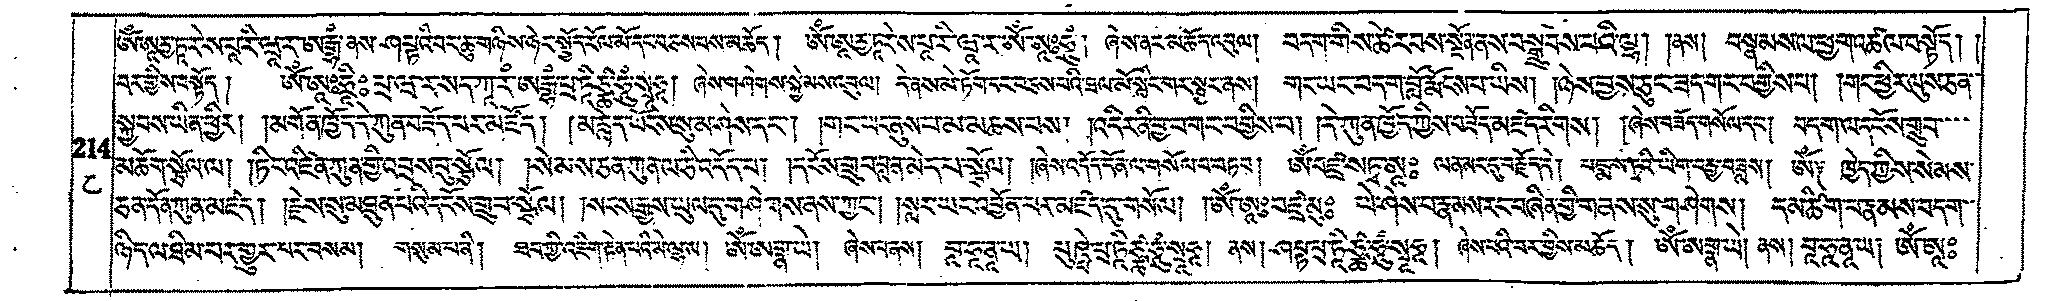ཨོཾ་ཨཱརྱ་ཏཱ་རེས་པཱ་རི་ཝཱ་ར་ཨརྒྷཾ་ནས་ཤཔྟའི་བར་ཆུ་གཉིས་ཉེར་སྤྱོད་རོལ་མོ་དང་བཅས་པས་མཆོད། ཨོཾ་ཨཱརྱ་ཏཱ་རེ་ས་པཱ་རི་ཝཱ་ར་ཨོཾ་ཨཱཿ ཧཱུཾ། ཞེས་ནང་མཆོད་འབུལ།  བདག་གིས་ཚེ་རབས་སྔོན་ནས་བསྒྲུབས་པའི་ལྷ། །ནས། བསྣམས་ལ་ཕྱག་འཚལ་བསྟོད། །
བར་གྱིས་བསྟོད། ཨོཾ་ཨཱཿ ཧྲཱིཿ པྲ་ཝ་ར་སད་ཀཱ་རཾ་ཨརྒྷཾ་པྲ་ཏཱི་ཙྪ་ཧཱུཾ་སྭཱཧཱ། ཞེས་གཤེགས་སྐྱེམས་འབུལ། དེ་ནས་མེ་ཏོག་དང་བཅས་པའི་ཐལ་མོ་སྙིང་གར་སྦྱར་ནས། གང་ཡང་བདག་བློ་རྨོངས་པ་ཡིས། །ཉེས་བྱས་ཅུང་ཟད་གང་བགྱིས་པ། །གང་ཕྱིར་ལུས་ཅན་་་
སྐྱབས་ཡིན་ཕྱིར། །གོན་ཁྱོད་དེ་ཀུན་བཟོད་པར་མཛོད། །མ་རྙེད་ཡོངས་སུ་མ་ཤེས་དང་། །གང་ཡང་ནུས་པ་མ་མཆས་པས། །འདིར་ནི་བྱ་བ་གང་བགྱིས་པ། །དེ་ཀུན་ཁྱོད་ཀྱིས་བཟོད་མཛད་རིགས། ཞེས་བཟོད་གསོལ་དང་།  བདག་ལ་དངོས་གྲུབ་་་
མཆོག་སྩོལ་ལ། །ཏིང་འཛིན་ཀུན་གྱི་འབྲས་བུ་སྩོལ། །སེམས་ཅན་ཀུན་ལ་ཅི་འདོད་པ། །དངོས་གྲུབ་བླ་ན་མེད་པ་སྩོལ། །ཞེས་འདོད་དོན་ལ་གསོལ་བ་བཏབ།  ཨོཾ་བཛྲ་སཏྭ་ཨཱཿ ལན་མང་དུ་བརྗོད་དེ། པདམས་ཏྭའི་ཡིག་བརྒྱ་བཟླས།  ཨོཾ༑ ཁྱེད་ཀྱིས་སེམས་
ཅན་དོན་ཀུན་མཛད། །རྗེས་སུ་མཐུན་པའི་དངོས་གྲུབ་སྩོལ། །སངས་རྒྱས་ཡུལ་དུ་གཤེགས་ནས་ཀྱང་། །སླར་ཡང་འབྱོན་པར་མཛད་དུ་གསོལ། །ཨོཾ་ཨཱཿ བཛྲ་མུཿ ཡེ་ཤེས་པ་རྣམས་རང་བཞིན་གྱི་གནས་སུ་གཤེགས། དམ་ཚིག་པ་རྣམས་བདག་་་
ཉིད་ལ་ཐིམ་པར་གྱུར་པར་བསམ། གསུམ་པ་ནི། ཐབ་ཀྱི་འཇིག་རྟེན་པའི་མེ་ལྷ་ལ།  ཨོཾ་ཨགན་ཡེ། ཞེས་པ་ནས། བཱ་ཧཱ་ནཱ་ཡ། པུཥྤེ་པྲ་ཏཱི་ཙྪ་ཧཱུཾ་སྭཱཧཱ། ནས།  ཤཔྟ་པྲ་ཏཱི་ཙྪ་ཧཱུཾ་སྭཱཧཱ། ཞེས་པའི་བར་གྱིས་མཆོད།  ཨོཾ་ཨགན་ཡེ། ནས། བཱ་ཧཱ་ནཱ་ཡ། ཨོཾ་ཨཱཿ